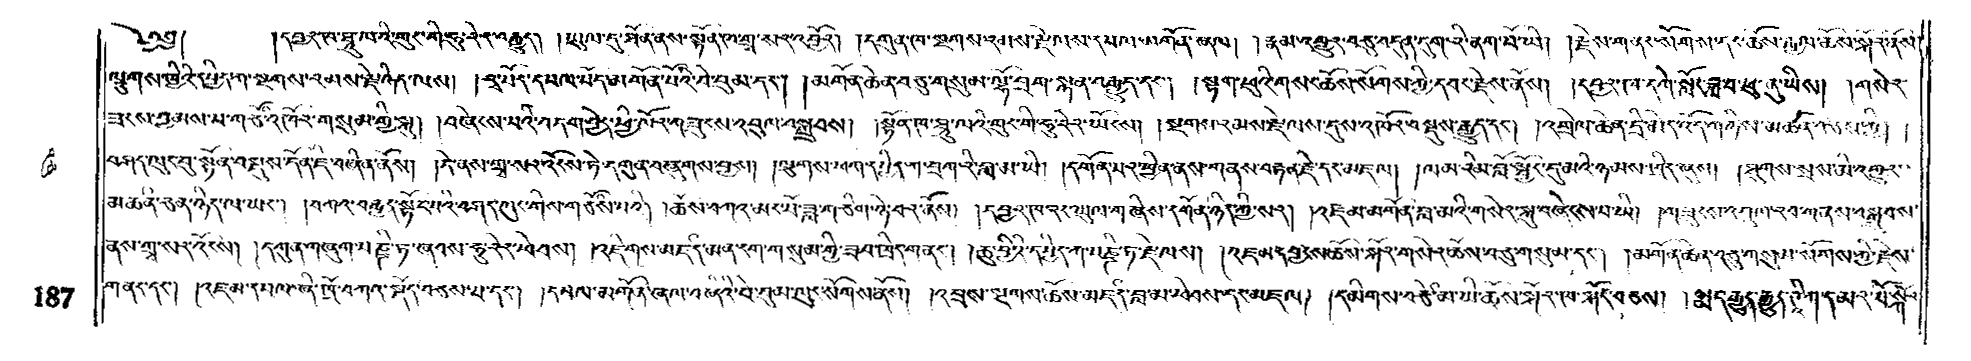༄༅། །དབྱར་ཁ་ཐཱུ་ལའི་གུང་གི་ཧུ་རེར་བརྒྱུད། །ཡུལ་དུ་ཐོན་ནས་སྟོན་ཁ་གྲྭ་སར་འབྱོར། །དགུན་ཁ་སྔགས་རམས་རྗེ་ལས་དཔལ་མགོན་ཞལ། །རྣམ་འགྱུར་བཅུ་བདུན་དུག་རི་ནག་པོ་ཡི། །རྗེས་གནང་སོགས་དང་ཆོས་རྒྱལ་ཆོས་སྐོར་ནོས་
ལྕགས་ཁྱིའི་དཔྱིད་ཀ་སྔགས་རམས་རྗེ་ཉིད་ལས། །རྭ་པོད་དཔལ་པོད་མགོན་པོའི་བེ་བུམ་དང་། །མགོན་ཆེན་བཅུ་གསུམ་ལྷོ་བྲག་སྙན་བརྒྱུད་དང་། །སྟག་ཕུའི་གསང་ཆོས་སོགས་ཀྱི་དབང་རྗེས་ནོས། །དབྱར་ཁ་དགེ་སློང་ཟླ་བ་ཕུ་ནུ་ཡིས། །གསེར་
ཟངས་བྱམས་པ་གཙོ་འཁོར་གསུམ་གྱི་སྐུ། །བཞེངས་པའི་བདག་བྱེད་ཕྱི་ལོར་གཟུངས་འབུལ་བསྒྲུབས། །སྟོན་ཁ་ཐཱུ་ལའི་གུང་གི་ཧུ་རེར་ཡོངས། །སྔགས་རམས་རྗེ་ལས་དུས་འཁོར་བསྡུས་རྒྱུད་དང་། །འགྲེལ་ཆེན་དྲི་མེད་འོད་གཉིས་མཚན་བཅས་ཀྱི། །
བཤད་ལུང་བུ་སྟོན་བསྡུས་དོན་ཇི་བཞིན་ནོས། །དེ་ནས་གྲྭ་སར་འོངས་ཏེ་དགུན་བཞུགས་བྱས། །ལྕགས་ཕག་དཔྱིད་ཀ་བྲག་རི་བླ་མ་ཡི། །དགོན་པར་ཕྱིན་ནས་གནས་བརྟན་རྗེ་དང་མཇལ། །ལམ་རིམ་བློ་སྦྱོང་དུ་མའི་ཉམས་ཁྲིད་ཞུས། །ཐུགས་སྲས་མི་འགྱུར་
མཚན་ཅན་ཉིད་ལ་ཡང་། །བཀའ་བརྒྱད་སྟོང་བའི་བཤད་ལུང་གིས་གཙོས་པའི། །ཆོས་བཀའ་མང་བོ་ཟླ་གཅིག་ཉེ་བར་ནོས། །དབྱར་ཁ་རང་ཡུལ་གཞིས་དགོན་ཉིད་ཀྱི་སར། །འཇམ་མགོན་བླ་མའི་གསེར་སྐུ་བཞེངས་པ་ཡི། །གཟུངས་འབུལ་རབ་གནས་བསྒྲུབས་
ནས་གྲྭ་སར་འོངས། །དགུན་གཞུག་པཎྜི་ཏ་ཞབས་ཧུ་རེར་ཕེབས། །འཇིགས་མཛད་མན་ངག་གསུམ་གྱི་ཟབ་ཁྲིད་གནང་། །ཆུ་བྱིའི་དཔྱིད་ཀ་པཎྜི་ཏ་རྗེ་ལས། །འཇམ་དབྱངས་ཆོས་སྐོར་གསེར་ཆོས་བཅུ་གསུམ་དང་། །མགོན་ཆེན་བཅུ་གསུམ་སོགས་ཀྱི་རྗེས་
གནང་དང་། །འཇམ་དཔལ་ཞི་ཁྲོ་བཀའ་སྡོད་བཅས་པ་དང་། །དཔལ་མགོན་ཞལ་བཞིའི་བེ་བུམ་ལུང་སོགས་ནོས། །འབྲས་སྔགས་ཆོས་མཛད་བླ་མ་ཕེབས་དང་མཇལ། །དམིགས་བརྩེ་མ་ཡི་ཆོས་སྐོར་ཁ་སྐོད་བཅས། །སྨད་རྒྱུད་རྒྱུད་ཊཱིཀ་དམར་པོ་སྐོར་